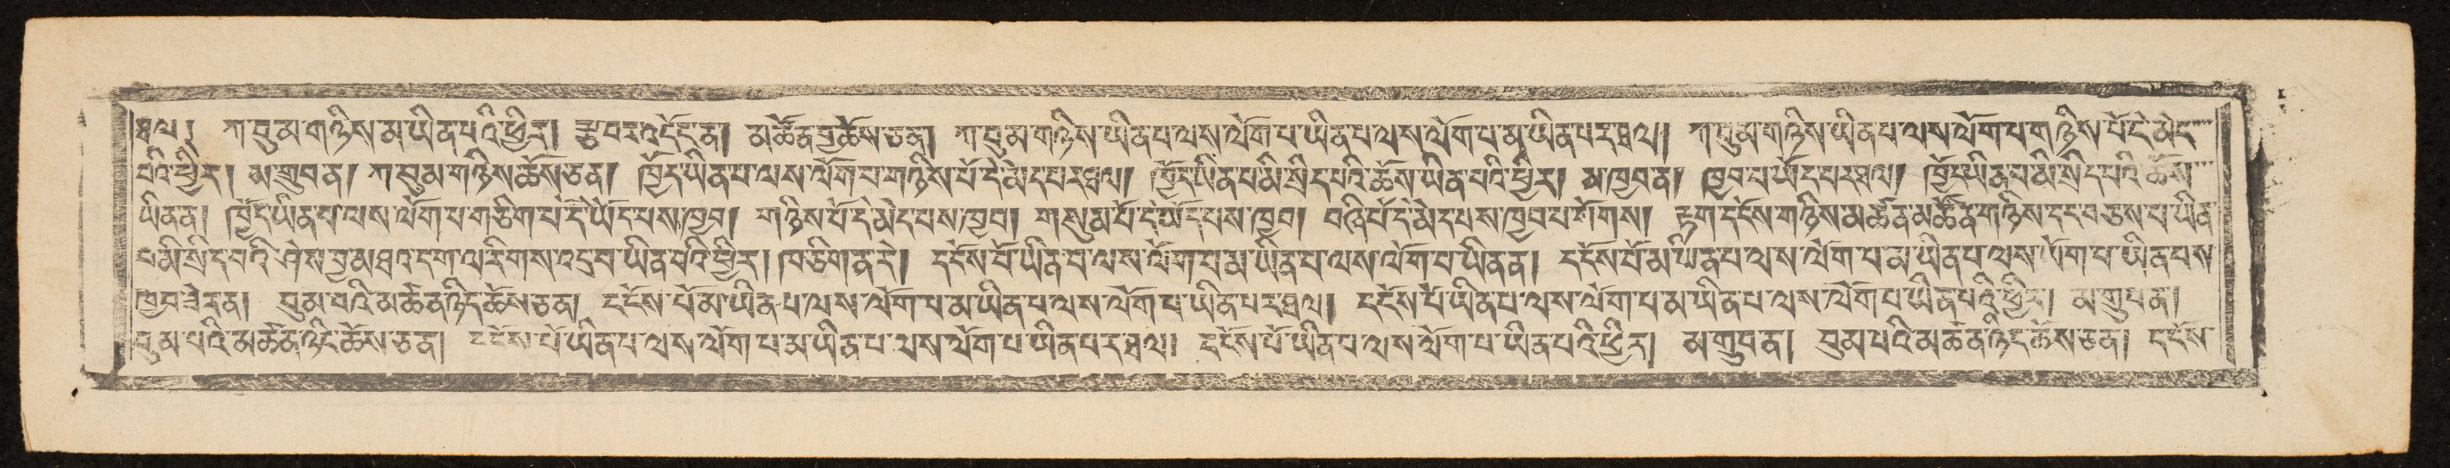ཐལ། ཀ་བུམ་གཉིས་མ་ཡིན་པའི་ཕྱིར། རྩ་བར་འདོད་ན། མཚོན་བྱ་ཆོས་ཅན། ཀ་བུམ་གཉིས་ཡིན་པ་ལས་ལོག་པ་ཡིན་པ་ལས་ལོག་པ་མ་ཡིན་པར་ཐལ། ཀ་བུམ་གཉིས་ཡིན་པ་ལས་ལོག་པ་གཉིས་པོ་དེ་མེད་
པའི་ཕྱིར། མ་གྲུབ་ན། ཀ་བུམ་གཉིས་ཆོས་ཅན། ཁྱོད་ཡིན་པ་ལས་ལོག་པ་གཉིས་པོ་དེ་མེད་པར་ཐལ། ཁྱོད་ཡིན་པ་མི་སྲིད་པའི་ཆོས་ཡིན་པའི་ཕྱིར། མ་ཁྱབ་ན། ཁྱབ་པ་ཡོད་པར་ཐལ། ཁྱོད་ཡིན་པ་མི་སྲིད་པའི་ཆོས་
ཡིན་ན། ཁྱོད་ཡིན་པ་ལས་ལོག་པ་གཅིག་པོ་དེ་ཡོད་པས་ཁྱབ། གཉིས་པོ་དེ་མེད་པས་ཁྱབ། གསུམ་པོ་དེ་ཡོད་པས་ཁྱབ། བཞི་པོ་དེ་མེད་པས་ཁྱབ་པ་སོགས། རྟག་དངོས་གཉིས་མཚན་མཚོན་གཉིས་དང་བཅས་པ་ཡིན་
པ་མི་སྲིད་པའི་ཤེས་བྱ་མཐའ་དག་ལ་རིགས་འདྲ་བ་ཡིན་པའི་ཕྱིར། ཁ་ཅིག་ན་རེ། དངོས་པོ་ཡིན་པ་ལས་ལོག་པ་མ་ཡིན་པ་ལས་ལོག་པ་ཡིན་ན། དངོས་པོ་མ་ཡིན་པ་ལས་ལོག་པ་མ་ཡིན་པ་ལས་ལོག་པ་ཡིན་པས་
ཁྱབ་ཟེར་ན། བུམ་པའི་མཚན་ཉིད་ཆོས་ཅན། དངོས་པོ་མ་ཡིན་པ་ལས་ལོག་པ་མ་ཡིན་པ་ལས་ལོག་པ་ཡིན་པར་ཐལ། དངོས་པོ་ཡིན་པ་ལས་ལོག་པ་མ་ཡིན་པ་ལས་ལོག་པ་ཡིན་པའི་ཕྱིར། མ་གྲུབ་ན།
བུམ་པའི་མཚན་ཉིད་ཆོས་ཅན། དངོས་པོ་ཡིན་པ་ལས་ལོག་པ་མ་ཡིན་པ་ལས་ལོག་པ་ཡིན་པར་ཐལ། དངོས་པོ་ཡིན་པ་ལས་ལོག་པ་ཡིན་པའི་ཕྱིར། མ་གྲུབ་ན། བུམ་པའི་མཚན་ཉིད་ཆོས་ཅན། དངོས་